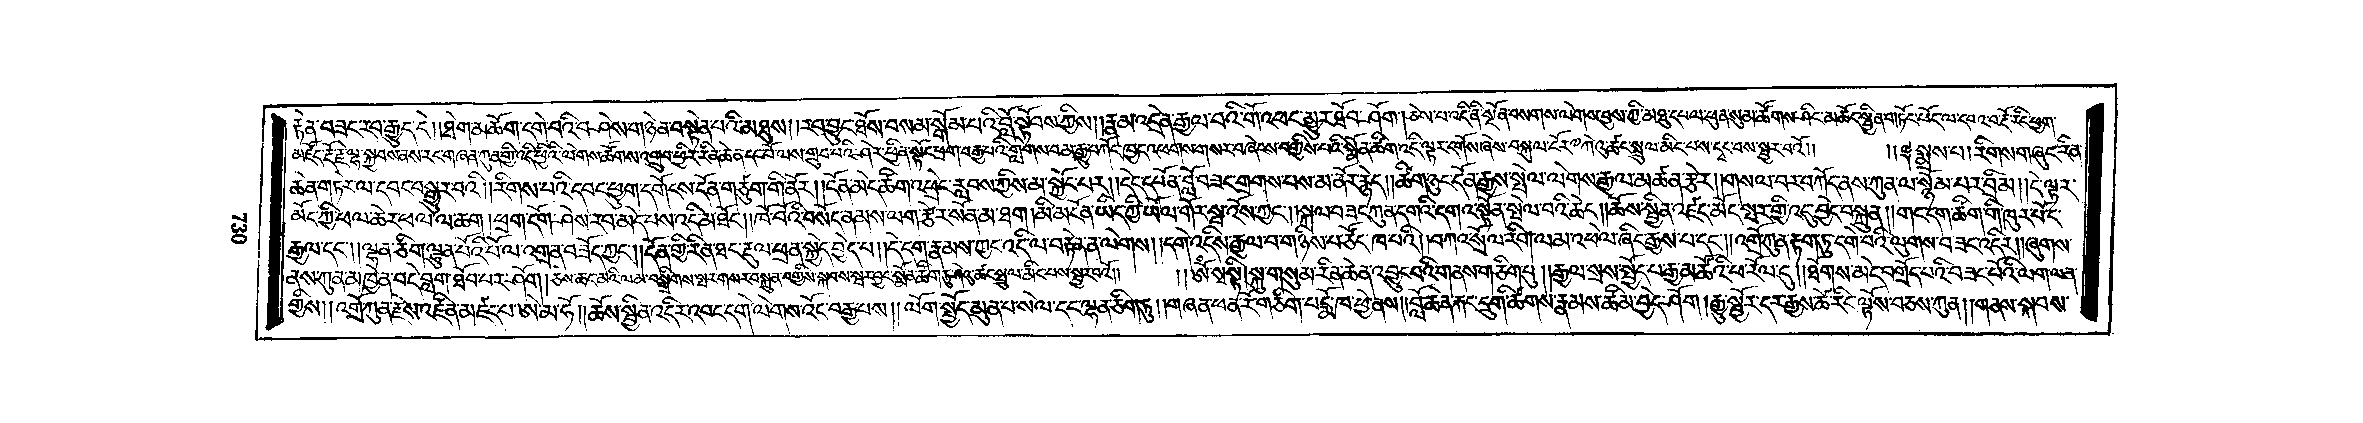རྟེན་བཟང་རབ་རྒྱུད་དེ། །ཐེག་མཆོག་དགེ་བའི་བཤེས་གཉེན་བསྟེན་པའི་མཐུས། །རབ་བྱུང་ཐོས་བསམ་སྒོམ་པའི་བློ་སྟོབས་ཀྱིས། །རྣམ་འདྲེན་རྒྱལ་བའི་གོ་འཕང་མྱུར་ཐོབ་ཤོག །ཅེས་པ་འདི་ནི་སྔོན་བསགས་ལེགས་བྱས་ཀྱི་མཐུ་དཔལ་ཕུན་སུམ་ཚོགས་ཤིང་མཆོད་སྦྱིན་གཏོང་ཕོད་ལ་དཔའ་བ་རྡོ་རིང་ཕྱག་
མཛོད་རྡོ་རྗེ་ལྷ་སྐྱབས་ནས་རང་གཞན་ཀུན་གྱི་འདི་ཕྱིའི་ལེགས་ཚོགས་འགྲུབ་ཕྱིར་རིན་ཆེན་དང་པོ་ལས་གྲུབ་པའི་ཤེར་ཕྱིན་སྟོང་ཕྲག་བརྒྱ་པའི་གླེགས་བམ་རྒྱུ་བཀོད་ཁྱད་འཕགས་གསར་བཞེངས་བགྱིས་པའི་སྨོན་ཚིག་འདི་ལྟར་དགོས་ཞེས་བསྐུལ་ངོར་ཀེའུ་ཚང་སྤྲུལ་མིང་པས་དྭང་བས་སྦྱར་བའོ།། །།༈ སྨྲས་པ། རིགས་གཞུང་རིན་
ཆེན་གཏེར་ལ་དབང་བསྒྱུར་བའི། །རིགས་པའི་དབང་ཕྱུག་དགོངས་དོན་གཙུག་གི་ནོར། །དོན་མེད་ཚིག་འཕྲེང་རླབས་ཀྱིས་མ་སྐྱོང་པར། །དེད་དཔོན་བློ་བཟང་གྲགས་པས་མ་ནོར་རྙེད། །ཚིག་ཉུང་དོན་རྒྱས་སྤེལ་ལེགས་རྒྱལ་མཚན་རྩེར། །གསལ་བར་བཀོད་ནས་ཀུན་ལ་སྙོམ་པར་བྲིམ། །དེ་ལྟར་
མོད་ཀྱི་ཕལ་ཆེར་ཕལ་ལ་ཆག །ཕྲག་དོག་ཤེས་རབ་མེད་པས་འདི་མ་ཐོང་། །ཁོ་བོའི་བསོད་ནམས་ལག་རྩེར་སོན་མ་ཐག །མི་མངོན་ཡིད་ཀྱི་ཡོལ་གོར་སྦ་འོས་ཀྱང་། །སྐལ་བཟང་ཀུན་དགའི་དགའ་སྟོན་སྤེལ་བའི་ཆེད། །ཆོས་སྦྱིན་འཛད་མོད་སྤར་གྱི་འདུ་བྱེད་བསྐྲུན། །གང་དག་ཚིག་གི་ཁུར་པོ་ད་
རྒྱལ་དང་། །ལྷན་ཅིག་ལྷུན་པོའི་པོ་ལ་འགྲན་བཟོད་ཀྱང་། །དོན་གྱི་རིན་ཐང་རྡུལ་ཕྲན་སྐྱེད་བྱེད་པ། །དེ་དག་རྣམས་ཀྱང་འདི་ལ་བརྟེན་ན་ལེགས། །དགེ་འདིས་རྒྱལ་བ་གཉིས་པ་ཙོང་ཁ་པའི། །བཀའ་སྲོལ་རིག་ལམ་འཕེལ་ཞིང་རྒྱས་པ་དང་། །འགྲོ་ཀུན་རྟག་ཏུ་དགེ་བའི་ལུགས་བཟང་འདིར། །ཞུགས་
ནས་ཀུན་མཁྱེན་བདེ་བླག་ཐོབ་པར་ཤོག །ཅེས་ཆད་མའི་ལམ་བསྒྲིགས་སྤར་གསར་བསྐྲུན་བགྱིས་སྐབས་སྦར་བྱང་སྨོན་ཚིག་ཏུ་ཀེའུ་ཚང་སྤྲུལ་མིང་པས་སྦྱར་བའོ།། །།ཨོཾ་སྭ་སྟི། སྐུ་གསུམ་རིན་ཆེན་འབྱུང་བའི་གནས་གཅིག་པུ། །རྒྱལ་སྲས་སྤྱོད་པ་རྒྱ་མཚོའི་ཕ་རོལ་དུ། །ཐོགས་མེད་བགྲོད་པའི་བཟང་པོའི་ལག་ལན་
གྱིས། །འགྲོ་ཀུན་རྗེས་འཛིན་མཛད་པ་ཨེ་མ་ཧོ། །ཆོས་སྦྱིན་འདིར་འབང་དགེ་ལེགས་འོང་བརྒྱ་པས། །ལོག་སྤྱོད་མུན་པ་སེལ་དང་ལྷན་ཅིག་ཏུ། །གཞན་ཕན་རོ་གཅིག་པདམོ་ཁ་ཕྱེ་ནས། །བློ་ཆེན་རྐང་དྲུག་ཚིགས་རྣམས་ཚིམ་བྱེད་ཤོག །རྒྱུ་སྦྱོར་དར་རྒྱས་ཚེ་རིང་ལྟོས་བཅས་ཀུན། །གནས་སྐབས་